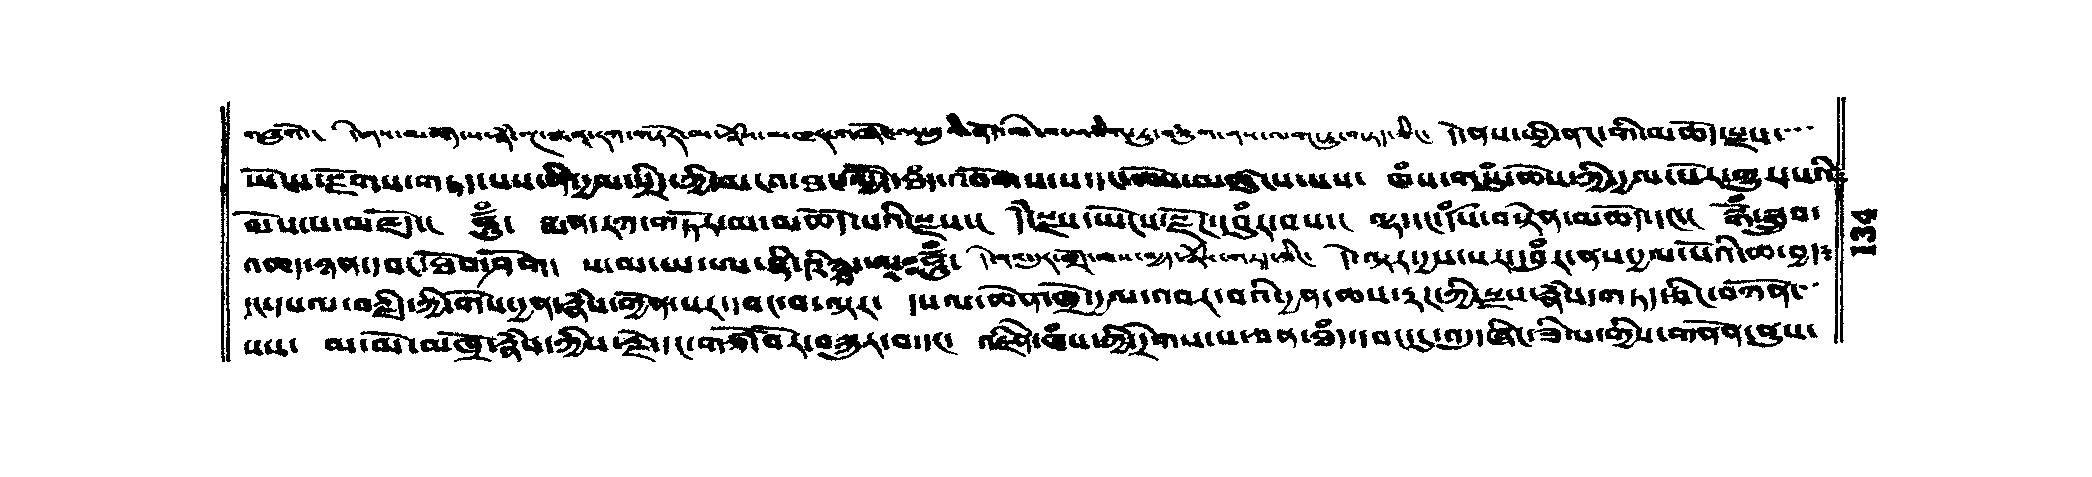གཞུག་གོ དེ་ནས་མཆོད་པ་རྣམས་ལྔ་སྨན་རཀ་གཏོར་མ་རྣམས་མཁར་གཞོང་ལྟ་བུའི་ནོད་མི་བག་གཅིག་ཏུ་བཅུག་ནས་ལག་ཏུ་གཏད་ཅིང་། དེ་ནས་ཕྱི་ནང་གི་མཆོད་རྫས་
ཡོངས་རྫོགས་གཏད་པས་ནི་རྒྱལ་སྲིད་ཀྱི་མངའ་ཐང་ལོངས་སྤྱོད་ཐམས་ཅད་འབོགས་པ་དང་ཆོས་མཚུངས་པས།ཁམས་གསུམ་ཆོས་ཀྱི་རྒྱལ་པོར་གྱུར་པའི་
མོས་པ་མཛོད། ཧཱུྃ། སྨན་རཀ་གཏོར་མ་མཆོད་པའི་རྫས། དམ་རྫས་ཡོངས་རྫོགས་དབང་བསྐུར་བས། ལྷ་དང་དམ་རྫས་བསྟེན་མཆོད་དང་། སྒོམ་སྒྲུབ་
འཆད་ཉན་དབང་ཐོབ་ཤོག ས་མ་ཡ་ཨ་བྷི་རིཉྩ་ཨཱཿཧཱུྃ། དེ་ནས་དུར་ཁྲོད་ཆས་བརྒྱད་རྣམས་གཏད་ཅིང་། དེ་ལྟར་རྒྱས་པར་དབང་བསྐུར་ནས་རྒྱལ་པོའི་ཆ་བྱད་
དང་དཔལ་བརྗིད་ཀྱི་གོས་རྒྱན་རྣམས་གྱོན་པར་དབང་བ་ལྟར། དཔལ་ཆེན་ཁྲོ་རྒྱལ་འབར་བའི་རྒྱན་ཆས་རྟགས་ཀྱི་རྫས་རྣམས་གཏད་ཅིང་བཀོན་
པས། མ་མོ་མཁའ་འགྲོ་རྣམས་ཀྱིས་རྗེ་དང་གཙོ་བོར་བསྐུར་བ་དང་། འཇིག་རྟེན་ཁམས་ཀྱི་དྲེགས་པ་ཅན་ཐམས་ཅད་དབང་དུ་འདུད་ཞིང་ཟིལ་གྱིས་གནོན་ནུས་